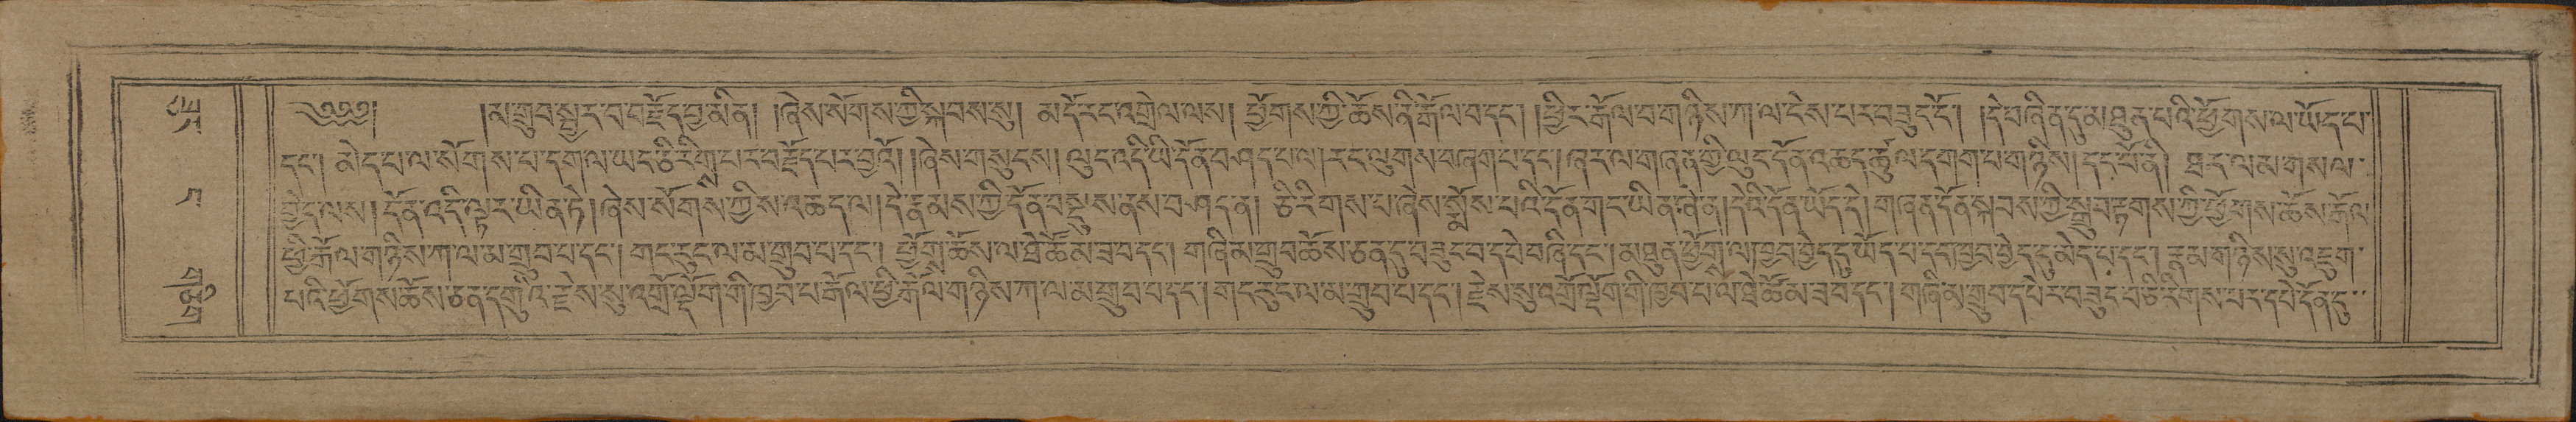༄༅༅། །མ་གྲུབ་སྦྱར་བ་བརྗོད་བྱ་མིན། །ཞེས་སོགས་ཀྱི་སྐབས་སུ། མདོ་རང་འགྲེལ་ལས། ཕྱོགས་ཀྱི་ཆོས་ནི་རྒོལ་བ་དང་། །ཕྱིར་རྒོལ་བ་གཉིས་ཀ་ལ་ངེས་པར་བཟུང་ངོ། །དེ་བཞིན་དུ་མཐུན་པའི་ཕྱོགས་ལ་ཡོད་པ་
དང་། མེད་པ་ལ་སོགས་པ་དག་ལ་ཡང་ཅི་རིགས་པར་བརྗོད་པར་བྱའོ། །ཞེས་གསུངས། ལུང་འདི་ཡི་དོན་བཤད་པ་ལ། རང་ལུགས་བཞག་པ་དང་། ཞར་ལ་གཞན་གྱི་ལུང་དོན་འཆད་ཚུལ་དགག་པ་གཉིས། དང་པོ་ནི། ཐར་ལམ་གསལ་
བྱེད་ལས། དོན་འདི་ལྟར་ཡིན་ཏེ། ཞེས་སོགས་ཀྱིས་འཆད་ལ། དེ་རྣམས་ཀྱི་དོན་བསྡུས་ནས་བཤད་ན། ཅི་རིགས་པ་ཞེས་སྨོས་པའི་དོན་གང་ཡིན་ཞེ་ན། དེའི་དོན་ཡོད་དེ། གཞན་དོན་སྐབས་ཀྱི་སྒྲུབ་རྟགས་ཀྱི་ཕྱོགས་ཆོས་རྒོལ་
ཕྱི་རྒོལ་གཉིས་ཀ་ལ་མ་གྲུབ་པ་དང་། གང་རུང་ལ་མ་གྲུབ་པ་དང་། ཕྱོགས་ཆོས་ལ་ཐེ་ཚོམ་ཟ་བ་དང་། གཞི་མ་གྲུབ་ཆོས་ཅན་དུ་བཟུང་བ་དཔེ་བཞི་དང་། མཐུན་ཕྱོགས་ལ་ཁྱབ་བྱེད་དུ་ཡོད་པ་དང་ཁྱབ་བྱེད་དུ་མེད་པ་དང་། རྣམ་གཉིས་སུ་འཇུག་
པའི་ཕྱོགས་ཆོས་ཅན་དགུའི་རྗེས་སུ་འགྲོ་ལྡོག་གི་ཁྱབ་པ་རྒོལ་ཕྱི་རྒོལ་གཉིས་ཀ་ལ་མ་གྲུབ་པ་དང་། གང་རུང་ལ་མ་གྲུབ་པ་དང་། རྗེས་སུ་འགྲོ་ལྡོག་གི་ཁྱབ་པ་ལ་ཐེ་ཚོམ་ཟ་བ་དང་། གཞི་མ་གྲུབ་དཔེར་བཟུང་བ་ཅི་རིགས་པར་དཔེ་དོན་དུ་